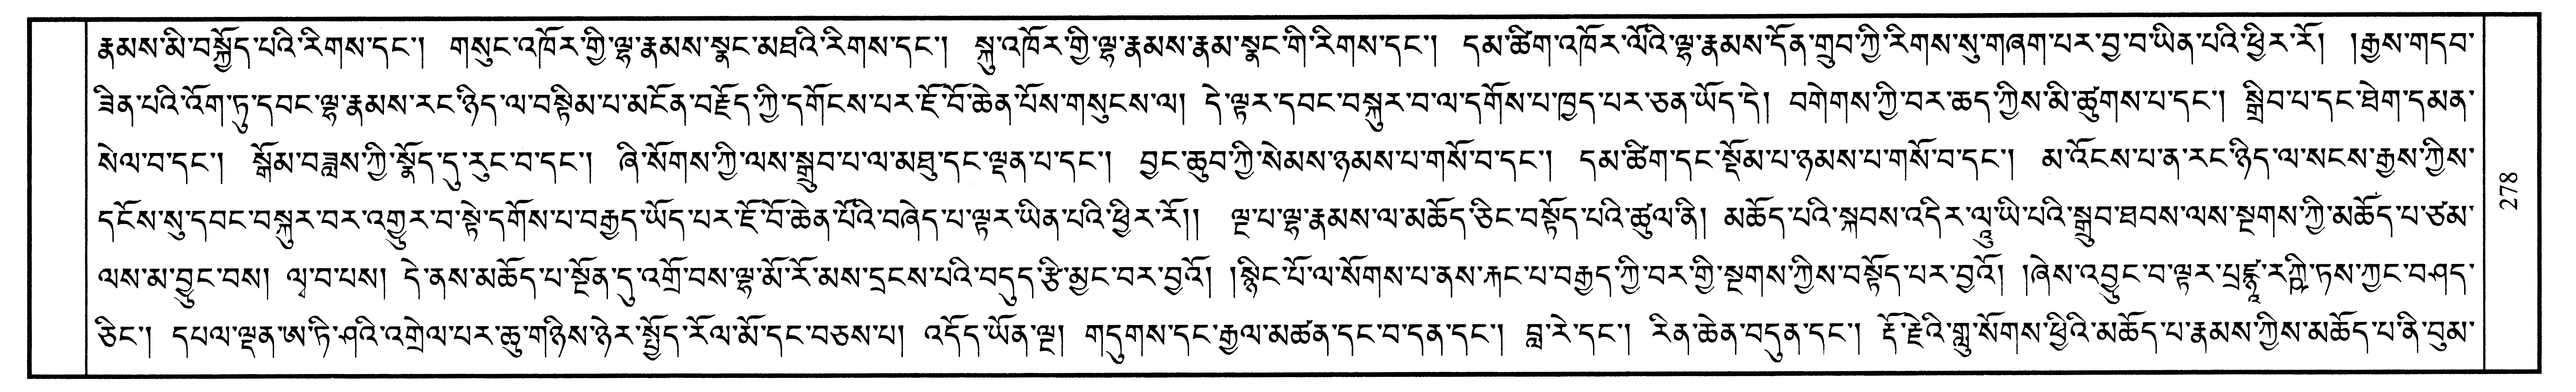རྣམས་མི་བསྐྱོད་པའི་རིགས་དང་། གསུམ་འཁོར་གྱི་ལྷ་རྣམས་སྣང་མཐའི་རིགས་དང་། སྐུ་འཁོར་གྱི་ལྷ་རྣམས་རྣམ་སྣང་གི་རིགས་དང་། དམ་ཚིག་འཁོར་ལོའི་ལྷ་རྣམས་དོན་གྲུབ་ཀྱི་རིགས་སུ་གཞག་པར་བྱ་བ་ཡིན་པའི་ཕྱིར་རོ། །རྒྱས་གདབ་
ཟིན་པའི་འོག་ཏུ་དབང་ལྷ་རྣམས་རང་ཉིད་ལ་བསྟིམ་པ་མངོན་བརྗོད་ཀྱི་དགོངས་པར་ཇོ་བོ་ཆེན་པོས་གསུངས་ལ། དེ་ལྟར་དབང་བསྐུར་བ་ལ་དགོས་པ་ཁྱད་པར་ཅན་ཡོད་དེ། བགེགས་ཀྱི་བར་ཆད་ཀྱིས་མི་ཚུགས་པ་དང་། སྒྲིབ་པ་དང་ཐེག་དམན་
སེལ་བ་དང་། སྒོམ་བཟླས་ཀྱི་སྣོད་དུ་རུང་བ་དང་། ཞི་སོགས་ཀྱི་ལས་སྒྲུབ་པ་ལ་མཐུ་དང་ལྡན་པ་དང་། བྱང་ཆུབ་ཀྱི་སེམས་ཉམས་པ་གསོ་བ་དང་། དམ་ཚིག་དང་སྡོམ་པ་ཉམས་པ་གསོ་བ་དང་། མ་འོངས་པ་ན་རང་ཉིད་ལ་སངས་རྒྱས་ཀྱིས་
དངོས་སུ་དབང་བསྐུར་བར་འགྱུར་བ་སྟེ་དགོས་པ་བརྒྱད་ཡོད་པར་ཇོ་བོ་ཆེན་པོའི་བཞེད་པ་ལྟར་ཡིན་པའི་ཕྱིར་རོ།། ལྔ་པ་ལྷ་རྣམས་ལ་མཆོད་ཅིང་བསྟོད་པའི་ཚུལ་ནི། མཆོད་པའི་སྐབས་འདིར་ལཱུ་ཡི་པའི་སྒྲུབ་ཐབས་ལས་སྔགས་ཀྱི་མཆོད་པ་ཙམ་
ལས་མ་བྱུང་བས། ལྭ་བ་པས། དེ་ནས་མཆོད་པ་སྔོན་དུ་འགྲོ་བས་ལྷ་མོ་རོ་མས་དྲངས་པའི་བདུད་རྩི་མྱང་བར་བྱའོ། །སྙིང་པོ་ལ་སོགས་པ་ནས་རྐང་པ་བརྒྱད་ཀྱི་བར་གྱི་སྔགས་ཀྱིས་བསྟོད་པར་བྱའོ། །ཞེས་འབྱུང་བ་ལྟར་པྲཛྙཱ་རཀྵི་ཏས་ཀྱང་བཤད་
ཅིང་། དཔལ་ལྡན་ཨ་ཏི་ཤའི་འགྲེལ་པར་ཆུ་གཉིས་ཉེར་སྤྱོད་རོལ་མོ་དང་བཅས་པ། འདོད་ཡོན་ལྔ། གདུགས་དང་རྒྱལ་མཚན་དང་བ་དན་དང་། བླ་རེ་དང་། རིན་ཆེན་བདུན་དང་། རྡོ་རྗེའི་གླུ་སོགས་ཕྱིའི་མཆོད་པ་རྣམས་ཀྱིས་མཆོད་པ་ནི་བུམ་